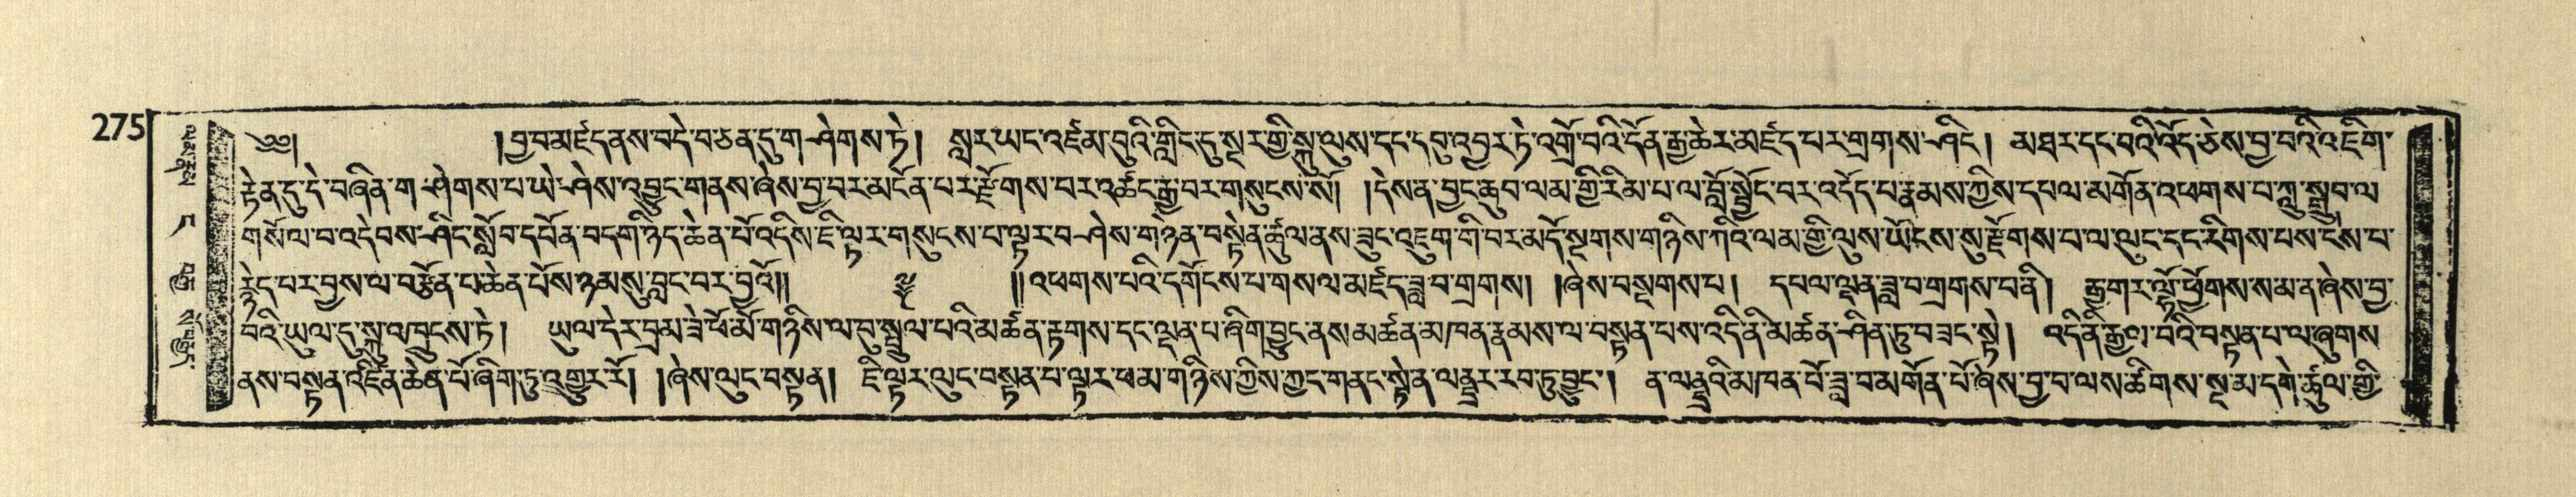༄༅། །བྱ་བ་མཛད་ནས་བདེ་བ་ཅན་དུ་གཤེགས་ཏེ། སླར་ཡང་འཛམ་བུའི་གླིང་དུ་སྔར་གྱི་སྐུ་ལུས་དང་དབུ་འབྱར་ཏེ་འགྲོ་བའི་དོན་རྒྱ་ཆེར་མཛད་པར་གྲགས་ཤིང་། མཐར་དང་བའི་འོད་ཅེས་བྱ་བའི་འཇིག་
རྟེན་དུ་དེ་བཞིན་གཤེགས་པ་ཡེ་ཤེས་འབྱུང་གནས་ཞེས་བྱ་བར་མངོན་པར་རྫོགས་པར་འཚང་རྒྱ་བར་གསུངས་སོ། །དེས་ན་བྱང་ཆུབ་ལམ་གྱི་རིམ་པ་ལ་བློ་སྦྱོང་བར་འདོད་པ་རྣམས་ཀྱིས་དཔལ་མགོན་འཕགས་པ་ཀླུ་སྒྲུབ་ལ་
གསོལ་བ་འདེབས་ཤིང་སློབ་དཔོན་བདག་ཉིད་ཆེན་པོ་འདིས་ཇི་ལྟར་གསུངས་པ་ལྟར་བཤེས་གཉེན་བསྟེན་ཚུལ་ནས་ཟུང་འཇུག་གི་བར་མདོ་སྔགས་གཉིས་ཀའི་ལམ་གྱི་ལུས་ཡོངས་སུ་རྫོགས་པ་ལ་ལུང་དང་རིགས་པས་ངེས་པ་
རྙེད་པར་བྱས་ལ་བརྩོན་པ་ཆེན་པོས་ཉམས་སུ་བླང་བར་བྱའོ།། ༈ །།འཕགས་པའི་དགོངས་པ་གསལ་མཛད་ཟླ་བ་གྲགས། །ཞེས་བསྔགས་པ། དཔལ་ལྡན་ཟླ་བ་གྲགས་པ་ནི། རྒྱ་གར་ལྷོ་ཕྱོགས་ས་མ་ན་ཞེས་བྱ་
བའི་ཡུལ་དུ་སྐུ་འཁྲུངས་ཏེ། ཡུལ་དེར་བྲམ་ཟེ་ཕོ་མོ་གཉིས་ལ་བུ་སྦྲུལ་པའི་མཚན་རྟགས་དང་ལྡན་པ་ཞིག་བྱུང་ནས་མཚན་མཁན་རྣམས་ལ་བསྟན་པས་འདི་ནི་མཚན་ཤིན་ཏུ་བཟང་སྟེ། འདི་ནི་རྒྱལ་བའི་བསྟན་པ་ལ་ཞུགས་
ནས་བསྟན་འཛིན་ཆེན་པོ་ཞིག་ཏུ་འགྱུར་རོ། །ཞེས་ལུང་བསྟན། ཇི་ལྟར་ལུང་བསྟན་པ་ལྟར་ཕ་མ་གཉིས་ཀྱིས་ཀྱང་གནང་སྟེ་ན་ལནྡྲར་རབ་ཏུ་བྱུང་། ན་ལནྡྲའི་མཁན་པོ་ཟླ་བ་མགོན་པོ་ཞེས་བྱ་བ་ལས་ཚིགས་སྔ་མ་དགེ་ཚུལ་གྱི་